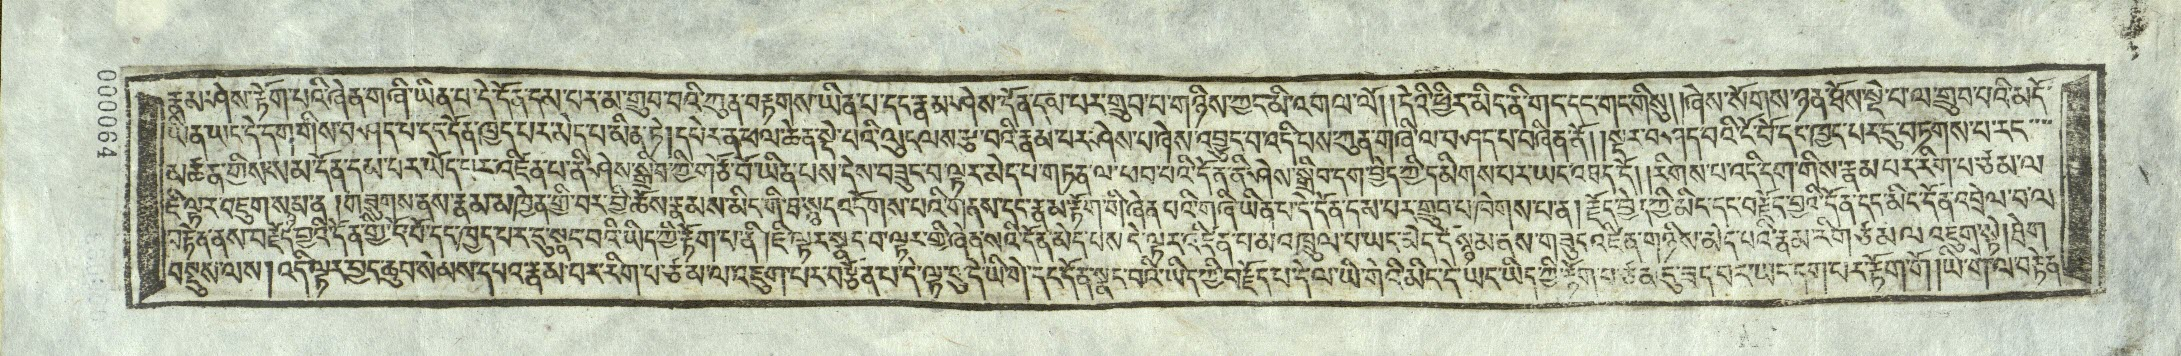རྣམ་ཤེས་རྟོག་པའི་ཞེན་གཞི་ཡིན་པ་དེ་དོན་དམ་པར་མ་གྲུབ་པའི་ཀུན་བརྟགས་ཡིན་པ་དང་རྣམ་ཤེས་དོན་དམ་པར་གྲུབ་པ་གཉིས་ཀྱང་མི་འགལ་ལོ། །དེའི་ཕྱིར་མིང་ནི་གང་དང་གང་གིས་སུ། །ཞེས་སོགས་ཉན་ཐོས་སྡེ་པ་ལ་གྲུབ་པའི་མདོ་
ཡིན་ཡང་དེ་དག་གིས་བཤད་པ་དང་དོན་ཁྱད་པར་མེད་པ་མིན་ཏེ། དཔེར་ན་ཕལ་ཆེན་སྡེ་པའི་ལུང་ལས་རྩ་བའི་རྣམ་པར་ཤས་བ་ཞེས་འབྱུང་བ་འདི་པས་ཀུན་གཞི་ལ་བཤད་པ་བཞེན་ནོ། །སྔར་བཤད་པའི་ངོ་བོ་དང་ཁྱད་པར་དུ་བཏགས་པ་རང་
མཚན་གྱིས་སམ་དོན་དམ་པར་ཡོད་པར་འཛིན་པ་ནི་ཤེས་སྒྲིབ་ཀྱི་གཙོ་བོ་ཡིན་པས་དེས་བཟུང་བ་ལྟར་མེད་པ་གཏན་ལ་ཕབ་པའི་དོན་ནི་ཤེས་སྒྲིབ་དག་བྱེད་ཀྱི་དམིགས་པར་ཡང་འཐད་དོ། །རིགས་པ་འདི་དག་གིས་རྣམ་པར་རིག་པ་ཙམ་ལ་
ཇི་ལྟར་འཇུག་སྙམ་ན། གཟུགས་ནས་རྣམ་མཁྱེན་གྱི་བར་གྱི་ཆོས་རྣམས་མིང་གི་ཐ་སྙད་འདོགས་པའི་གནས་དང་རྣམ་རྟོག་གི་ཞེན་པའི་གཞི་ཡིན་པ་དེ་དོན་དམ་པར་གྲུབ་པ་ཁེགས་པ་ན། རྫོད་བྱེད་ཀྱི་མིང་དང་བརྗོད་བྱའི་དོན་དང་མིང་དོན་འབྲེལ་བ་ལ་
བརྟན་ནས་བརྗོད་བྱའི་དོན་གྱི་ངོ་བོ་དང་ཁྱད་པར་དུ་སྣང་བའི་ཡིན་ཀྱི་རྟོག་པ་ནི། ཇི་ལྟར་སྣང་བ་ལྟར་གྱི་ཞེན་སའི་དོན་མེད་པས་དེ་ལྟར་འཛིན་པ་མ་འཁྲུལ་བ་ཡང་མེད་དོ་སྙམ་ནས་གཟུང་འཛིན་གཉིས་མེད་པའི་རྣམ་རིག་ཙམ་ལ་འཇུག་སྟེ། ཐེག་
བསྡུས་ལས། འདི་ལྟར་བྱང་ཆུབ་སེམས་དཔའ་རྣམ་པར་རིག་པ་ཙམ་ལ་འཇུག་པར་བརྩོན་པ་དེ་ལྟ་བུ་དེ་ཡི་གེ་དང་དོན་སྣང་བའི་ཡིད་ཀྱི་བརྗོད་པ་དེ་ལ་ཡི་གེའི་མིང་དེ་ཡང་ཡིད་ཀྱི་རྟོག་པ་ཙམ་དུ་ཟད་པར་ཡང་དག་པར་རྟོག་གོ། ཡི་གེ་ལ་བརྟེན་